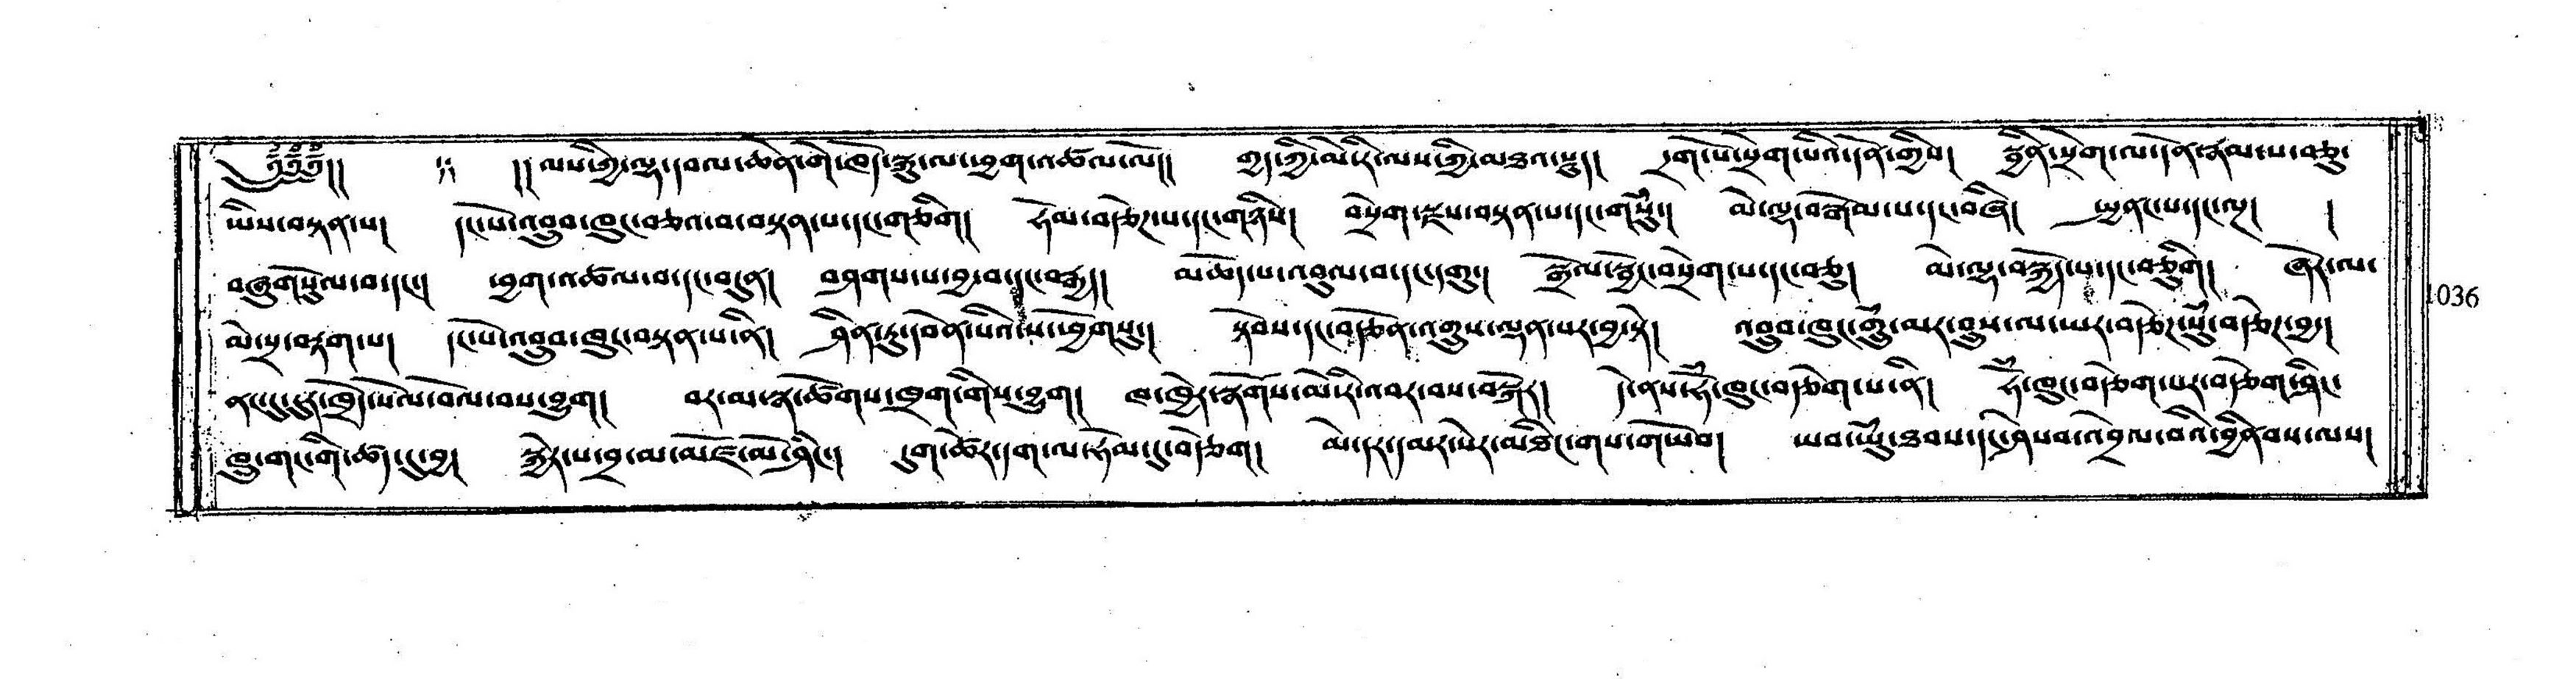༄༅༅།། །།ལས་ཀྱི་ལྷ་དབལ་ཆེན་གེ་ཁོད་སྐུ་ལ་ཕྱག་འཚལ་ལོ།། གྱད་ཀྱི་མེ་རི་ལས་ཀྱི་མཐའ་སྡུད།། དྲག་པོ་སྲེག་པའི་དོན་གྱིས། སྦྱིན་སྲེག་ལ་དོན་རྣམ་པ་བཅུ་
ཡིས་བསྟན་པ། དང་པོ་འབྲུབ་ཁུང་བཅའ་བ་བསྟན་པ་དང་གཅིག ཧོམ་བརྩེགས་པ་དང་གཉིས། བསྲེག་རྫས་བསྟན་པ་དང་གསུམ། མེ་ལྷ་བསྒོམ་པ་དང་བཞི། སྤྱན་དྲངས་པ་དང་ལྔ། 
བཞུགས་སུ་གསོལ་བ་དང་དྲུག། ཕྱག་འཚལ་བ་དང་བདུན། བཤགས་པ་བྱ་བ་དང་བརྒྱད། མཆོད་པ་འབུལ་བ་དང་དགུ། སྒྲོལ་སྦྱོང་བསྲེག་པ་དང་བཅུ། མེ་ལྷ་བསྐྱོད་པ་དང་བཅུ་གཅིག ཞོར་ལ་
མེ་པྲ་བརྟག་པ། དང་པོ་འབྲུབ་ཁུང་བསྟན་པ་ནི། ཤིན་ཏུ་དབེན་པའི་ས་ཕྱོགས་སུ། སྟོབས་དང་བརྩོན་འགྲུས་ལྡན་པར་བྱ་སྟེ། འབྲུབ་ཁུང་གྲུ་གསུམ་མར་བྲུས་ལ་ཡར་བརྩེགས་སུམ་བརྩེགས་བྱ། 
ནང་དུ་དུར་ཁྲོད་སོལ་བོལ་བས་བྱུག བར་མ་སྣ་ཚོགས་ཁྲག་གིས་བྱུག ཁ་ཁྱེར་སྣ་ཚོགས་མེ་རི་འབར་བས་བསྐོར། དེ་ནས་ཧོམ་ཁུང་བརྩེག་པ་ནི། ཧོམ་ཁུང་བརྩེག་པར་བརྩེག་ཤིང་
ཁྲུ་གང་གི་ཚད་དུ་བྱ། སྐྱེར་པ་བྲ་མ་མཛོ་མོ་ཤིང་། དུག་ཚེར་དག་ལ་ཧོམ་དུ་བརྩེག མེ་དར་དམར་སེར་མཐིང་གས་གཡོབ། ཡབ་ཡུམ་ཐབས་དང་ཤེས་རབ་འབྲེལ་བའི་བྱིན་རླབས་ལས།